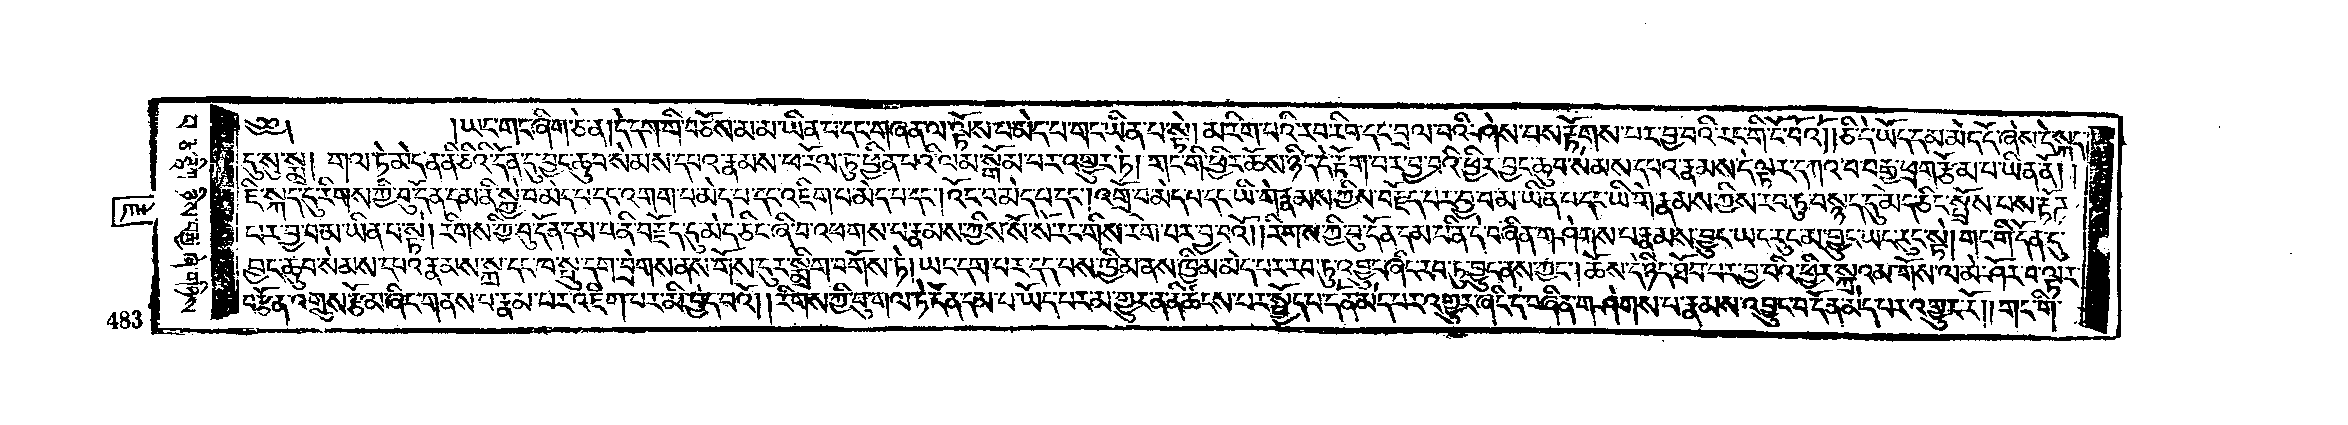༄༅། །ཡང་གང་ཞིག་ཅེ་ན། དེ་དག་གི་བཅོས་མ་མ་ཡིན་པ་དང་གཞན་ལ་ལྟོས་པ་མེད་པ་གང་ཡིན་པ་སྟེ། མ་རིག་པའི་རབ་རིབ་དང་བྲལ་བའི་ཤེས་པས་རྟོགས་པར་བྱ་བའི་རང་གི་ངོ་བོའོ། །ཅི་དེ་ཡོད་དམ་མེད་དོ་ཞེས་དེ་སྐད་
དུ་སུ་སྨྲ། གལ་ཏེ་མེད་ན་ནི་ཅིའི་དོན་དུ་བྱང་ཆུབ་སེམས་དཔའ་རྣམས་ཕ་རོལ་ཏུ་ཕྱིན་པའི་ལམ་སྒོམ་པར་འགྱུར་ཏེ། གང་གི་ཕྱིར་ཆོས་ཉིད་དེ་རྟོག་པར་བྱ་བའི་ཕྱིར་བྱང་ཆུབ་སེམས་དཔའ་རྣམས་དེ་ལྟར་དཀའ་བ་བརྒྱ་ཕྲག་རྩོམ་པ་ཡིན་ནོ། །
ཇི་སྐད་དུ་རིགས་ཀྱི་བུ་དོན་དམ་ནི་སྐྱེ་བ་མེད་པ་དང་འགག་པ་མེད་པ་དང་འཇིག་པ་མེད་པ་དང་། འོང་བ་མེད་པ་དང་། འགྲོ་བ་མེད་པ་དང་ཡི་གེ་རྣམས་ཀྱིས་བརྗོད་པར་བྱ་བ་མ་ཡིན་པ་དང་ཡི་གེ་རྣམས་ཀྱིས་རབ་ཏུ་བསྙད་དུ་མེད་ཅིང་སྦྲོས་པས་རྟོཌ་
པར་བྱ་བ་མ་ཡིན་པ་སྟེ། རིགས་ཀྱི་བུ་དོན་དམ་པ་ནི་བརྗོད་དུ་མེད་ཅིང་ཞི་བ་འཕགས་པ་རྣམས་ཀྱིས་སོ་སོ་རང་གིས་རེག་པར་བྱ་བའོ། །རིགས་ཀྱི་བུ་དོན་དམ་པ་ནི་དེ་བཞིན་གཤེགས་པ་རྣམས་བྱུང་ཡང་རུང་མ་བྱུང་ཡང་རུང་སྟེ། གང་གི་དོན་དུ་
བྱང་ཆུབ་སེམས་དཔའ་རྣམས་སྐྲ་དང་ཁ་སྤུ་དག་བྲེགས་ནས་གོས་དུར་སྨྲིག་བགོས་ཏེ། ཡང་དག་པར་དད་པས་ཁྱིམ་ནས་ཁྱིམ་མེད་པར་རབ་ཏུ་འབྱུང་ཞིང་རབ་ཏུ་འབྱུང་ནས་ཀྱང་། ཆོས་དེ་ཉིད་ཐོབ་པར་བྱ་བའི་ཕྱིར་སྐྲའམ་གོས་ལ་མེ་སོར་བ་ལྟར་
བརྩོན་འགྲུས་རྩོམ་ཞིང་གནས་པ་རྣམ་པར་འཇིག་པར་མི་བྱེད་པའོ། །རིགས་ཀྱི་བུ་གལ་ཏེ་དོན་དམ་པ་ཡོད་པར་མ་གྱུར་ན་ནི་ཚངས་པར་སྤྱོད་པ་དོན་མེད་པར་འགྱུར་ཞིང་དེ་བཞིན་གཤེགས་པ་རྣམས་འབྱུང་བ་དོན་མེད་པར་འགྱུར་རོ། །གང་གི་